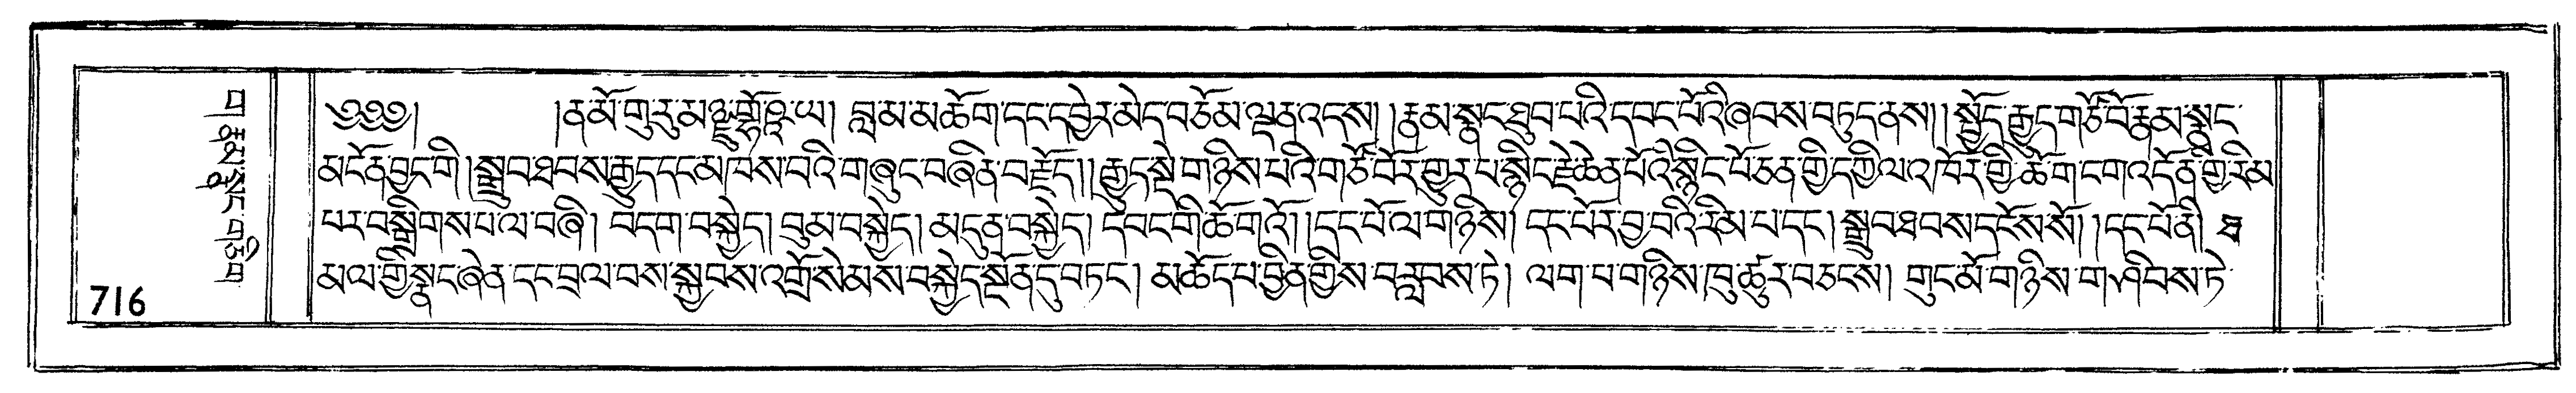༄༅༅། །ན་མོ་གུ་རུ་མཉྫུ་གྷོ་ཥཱ་ཡ། བླ་མ་མཆོག་དང་དབྱེར་མེད་བཅོམ་ལྡན་འདས། །རྣམ་སྣང་ཐུབ་པའི་དབང་པོའི་ཞབས་བཏུད་ནས། །སྤྱོད་རྒྱུད་གཙོ་བོ་རྣམ་སྣང་
མངོན་བྱང་གི །སྒྲུབ་ཐབས་རྒྱུད་དང་མཁས་པའི་གཞུང་བཞིན་བརྗོད། །རྒྱུད་སྡེ་གཉིས་པའི་གཙོ་བོར་གྱུར་པ་སྙིང་རྗེ་ཆེན་པོའི་སྙིང་པོ་ཅན་གྱི་དཀྱིལ་འཁོར་གྱི་ཆོ་ག་ངག་འདོན་གྱི་རིམ་
པར་བསྒྲིགས་པ་ལ་བཞི། བདག་བསྐྱེད། བུམ་བསྐྱེད། མདུན་བསྐྱེད། དབང་གི་ཆོ་གའོ། །དང་པོ་ལ་གཉིས། དང་པོར་བྱ་བའི་རིམ་པ་དང་། སྒྲུབ་ཐབས་དངོས་སོ། །དང་པོ་ནི། ཐ་
མལ་གྱི་སྣང་ཞེན་དང་བྲལ་བས་སྐྱབས་འགྲོ་སེམས་བསྐྱེད་སྔོན་དུ་བཏང་། མཆོད་པ་བྱིན་གྱིས་བརླབས་ཏེ། ལག་པ་གཉིས་ཁུ་ཚུར་བཅངས། གུང་མོ་གཉིས་གཤིབས་ཏེ་